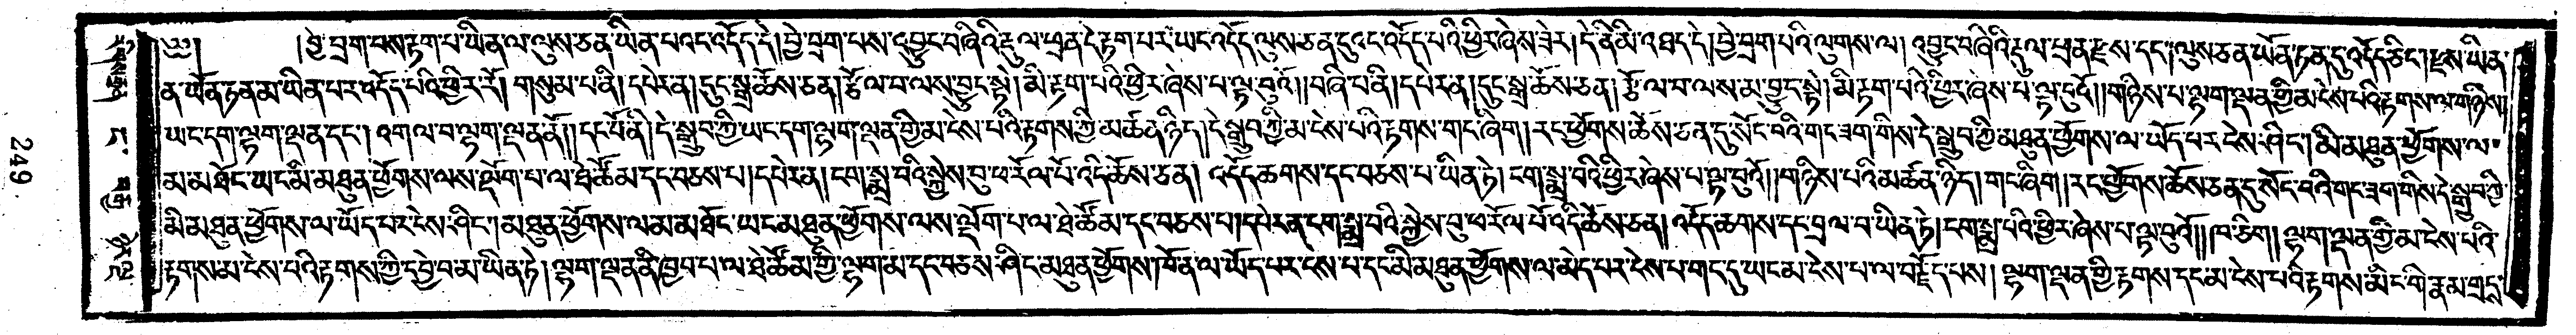༄༅། །བྲག་པས་རྟག་པ་ཡིན་ལ་ལུས་ཅན་ཡིན་པའང་འདོད་དེ། བྱེ་བྲག་པས་འབྱུང་བཞིའི་རྡུལ་ཕྲན་དེ་རྟག་པར་ཡང་འདོད་ལུས་ཅན་དུའང་འདོད་པའི་ཕྱིར་ཞེས་ཟེར། དེ་ནི་མི་འཐད་དེ། བྱེ་བྲག་པའི་ལུགས་ལ། འབྱུང་བཞིའི་རྡུལ་ཕྲན་རྫས་དང་། ལུས་ཅན་ཡོན་ཏན་དུ་འདོད་ཅིང་། རྫས་ཡིན་
ན་ཡོན་ཏན་མ་ཡིན་པར་འདོད་པའི་ཕྱིར་རོ། །གསུམ་པ་ནི། དཔེར་ན། དུང་སྒྲ་ཆོས་ཅན། རྩོལ་བ་ལས་བྱུང་སྟེ། མི་རྟག་པའི་ཕྱིར་ཞེས་པ་ལྟ་བུའོ། །བཞི་པ་ནི། དཔེར་ན། དུང་སྒྲ་ཆོས་ཅན། རྩོལ་བ་ལས་མ་བྱུང་སྟེ། མི་རྟག་པའི་ཕྱིར་ཞེས་པ་ལྟ་བུའོ། །གཉིས་པ་ལྷག་ལྡན་གྱི་མ་ངེས་པའི་རྟགས་ལ་གཉིས།
ཡང་དག་ལྷག་ལྡན་དང་། འགལ་བ་ལྷག་ལྡན་ནོ། །དང་པོ་ནི། དེ་སྒྲུབ་ཀྱི་ཡང་དག་ལྷག་ལྡན་གྱི་མ་ངེས་པའི་རྟགས་ཀྱི་མཚན་ཉིད། དེ་སྒྲུབ་ཀྱི་མ་ངེས་པའི་རྟགས་གང་ཞིག །རང་ཕྱོགས་ཆོས་ཅན་དུ་སོང་བའི་གང་ཟག་གིས་དེ་སྒྲུབ་ཀྱི་མཐུན་ཕྱོགས་ལ་ཡོད་པར་ངེས་ཤིང་། མི་མཐུན་ཕྱོགས་ལ་
མ་མཐོང་ཡང་མི་མཐུན་ཕྱོགས་ལས་ལྡོག་པ་ལ་ཐེ་ཚོམ་དང་བཅས་པ། དཔེར་ན། ངག་སྨྲ་བའི་སྐྱེས་བུ་ཕ་རོལ་པོ་འདི་ཆོས་ཅན། འདོད་ཆགས་དང་བཅས་པ་ཡིན་ཏེ། ངག་སྨྲ་བའི་ཕྱིར་ཞེས་པ་ལྟ་བུའོ། །གཉིས་པའི་མཚན་ཉིད། གང་ཞིག །རང་ཕྱོགས་ཆོས་ཅན་དུ་སོང་བའི་གང་ཟག་གིས་དེ་སྒྲུབ་ཀྱི་
མི་མཐུན་ཕྱོགས་ལ་ཡོད་པར་ངེས་ཤིང་། མཐུན་ཕྱོགས་ལ་མ་མཐོང་ཡང་མཐུན་ཕྱོགས་ལས་ལྡོག་པ་ལ་ཐེ་ཚོམ་དང་བཅས་པ། དཔེར་ན་ངག་སྨྲ་བའི་སྐྱེས་བུ་ཕ་རོལ་པོ་འདི་ཆོས་ཅན། འདོད་ཆགས་དང་བྲལ་བ་ཡིན་ཏེ། ངག་སྨྲ་བའི་ཕྱིར་ཞེས་པ་ལྟ་བུའོ། །ཁ་ཅིག །ལྷག་ལྡན་གྱི་མ་ངེས་པའི་
རྟགས་མ་ངེས་པའི་རྟགས་ཀྱི་དབྱེ་བ་མ་ཡིན་ཏེ། ལྷག་ལྡན་ནི་ཁྱབ་པ་ལ་ཐེ་ཚོམ་གྱི་ལྷག་མ་དང་བཅས་ཤིང་མཐུན་ཕྱོགས་ཁོ་ན་ལ་ཡོད་པར་ངེས་པ་དང་མི་མཐུན་ཕྱོགས་ལ་མེད་པར་ངེས་པ་གང་དུ་ཡང་མ་ངེས་པ་ལ་བརྗོད་པས། ལྷག་ལྡན་གྱི་རྟགས་དང་མ་ངེས་པའི་རྟགས་མིང་གི་རྣམ་གྲང་